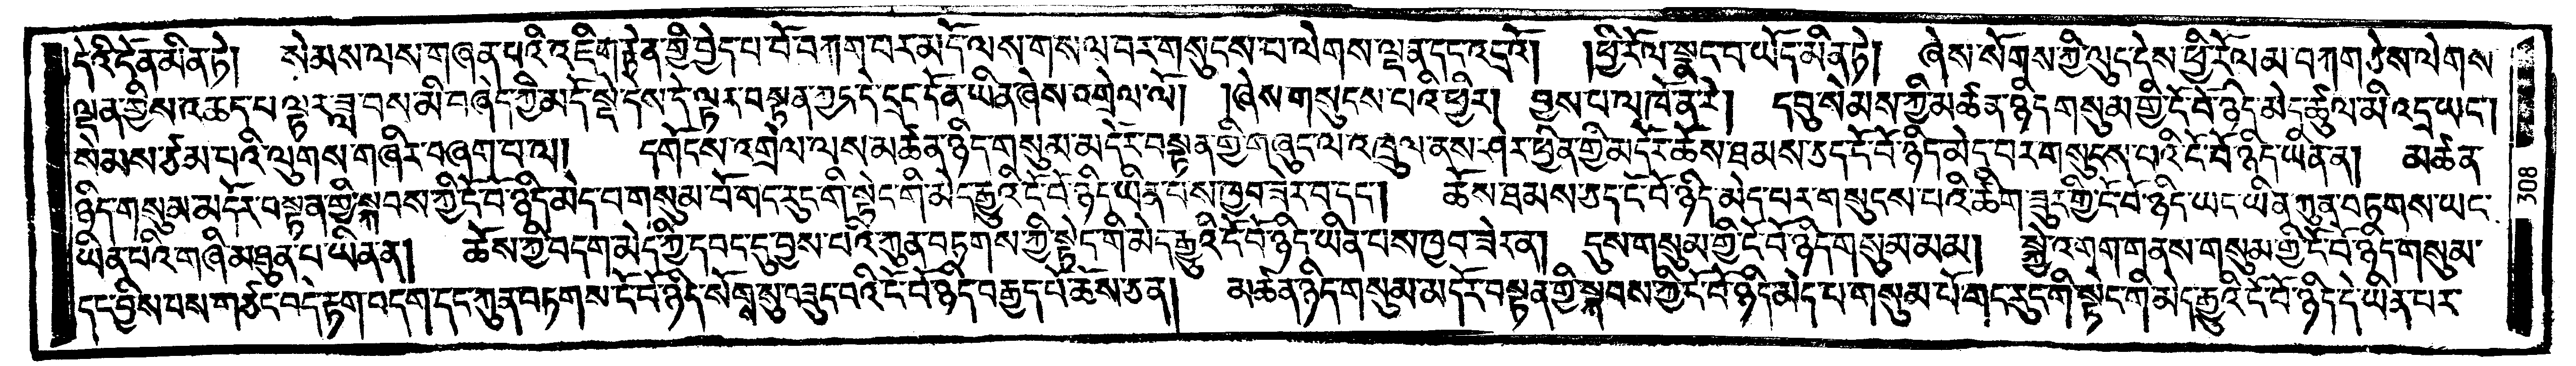དེའི་དོན་མིན་ཏེ། སེམས་ལས་གཞན་པའི་འཇིག་རྟེན་གྱི་བྱེད་པ་པོ་བཀག་པར་མདོ་ལས་གསལ་བར་གསུངས་པ་ལེགས་ལྡན་དང་འདྲའོ། །ཕྱི་རོལ་སྣང་བ་ཡོད་མིན་ཏེ། ཞེས་སོགས་ཀྱི་ལུང་དེས་ཕྱི་རོལ་མ་བཀག་ཅེས་ལེགས་
ལྡན་གྱིས་འཆད་པ་ལྟར་ཟླ་བས་མི་བཞེད་ཀྱི་མདོ་སྡེ་དེས་དེ་ལྟར་བསྟན་ཀྱང་དེ་དྲང་དོན་ཡིན་ཞེས་འགྲེལ་ལོ། །ཞེས་གསུངས་པའི་ཕྱིར། བྱས་པ་ལ་ཁོ་ན་རེ། དབུ་སེམས་ཀྱི་མཚན་ཉིད་གསུམ་གྱི་ངོ་བོ་ཉིད་མེད་ཚུལ་མི་འདྲ་ཡང་།
སེམས་ཙམ་པའི་ལུགས་གཞིར་བཞག་པ་ལ། དགོངས་འགྲེལ་ལས་མཚན་ཉིད་གསུམ་མདོར་བསྟན་གྱི་གཞུང་ལ་འཁྲུལ་ནས་ཤེར་ཕྱིན་གྱི་མདོར་ཆོས་ཐམས་ཅད་ངོ་བོ་ཉིད་མེད་པར་གསུངས་པའི་ངོ་བོ་ཉིད་ཡིན་ན། མཚན་
ཉིད་གསུམ་མདོར་བསྟན་གྱི་སྐབས་ཀྱི་ངོ་བོ་ཉིད་མེད་པ་གསུམ་པོ་གང་རུང་གི་སྟེང་གི་མེད་རྒྱུའི་ངོ་བོ་ཉིད་ཡིན་པས་ཁྱབ་ཟེར་བ་དང་། ཆོས་ཐམས་ཅད་ངོ་བོ་ཉིད་མེད་པར་གསུངས་པའི་ཚིག་ཟུར་གྱི་ངོ་བོ་ཉིད་ཡང་ཡིན་ཀུན་བཏགས་ཡང་
ཡིན་པའི་གཞི་མཐུན་པ་ཡིན་ན། ཆོས་ཀྱི་བདག་མེད་ཀྱི་དབང་དུ་བྱས་པའི་ཀུན་བཏགས་ཀྱི་སྟེང་གི་མེད་རྒྱུའི་ངོ་བོ་ཉིད་ཡིན་པས་ཁྱབ་ཟེར་ན། དུས་གསུམ་གྱི་ངོ་བོ་ཉིད་གསུམ་མམ། སྐྱེ་འགག་གནས་གསུམ་གྱི་ངོ་བོ་ཉིད་གསུམ་
དང་བྱིས་པས་གཙང་བདེ་རྟག་བདག་དང་ཀུན་བཏགས་ངོ་བོ་ཉིད་སོགས་སུ་བཟུང་བའི་ངོ་བོ་ཉིད་བརྒྱད་པོ་ཆོས་ཅན། མཚན་ཉིད་གསུམ་མདོར་བསྟན་གྱི་སྐབས་ཀྱི་ངོ་བོ་ཉིད་མེད་པ་གསུམ་པོ་གང་རུང་གི་སྟེང་གི་མེད་རྒྱུའི་ངོ་བོ་ཉིད་དེ་ཡིན་པར་